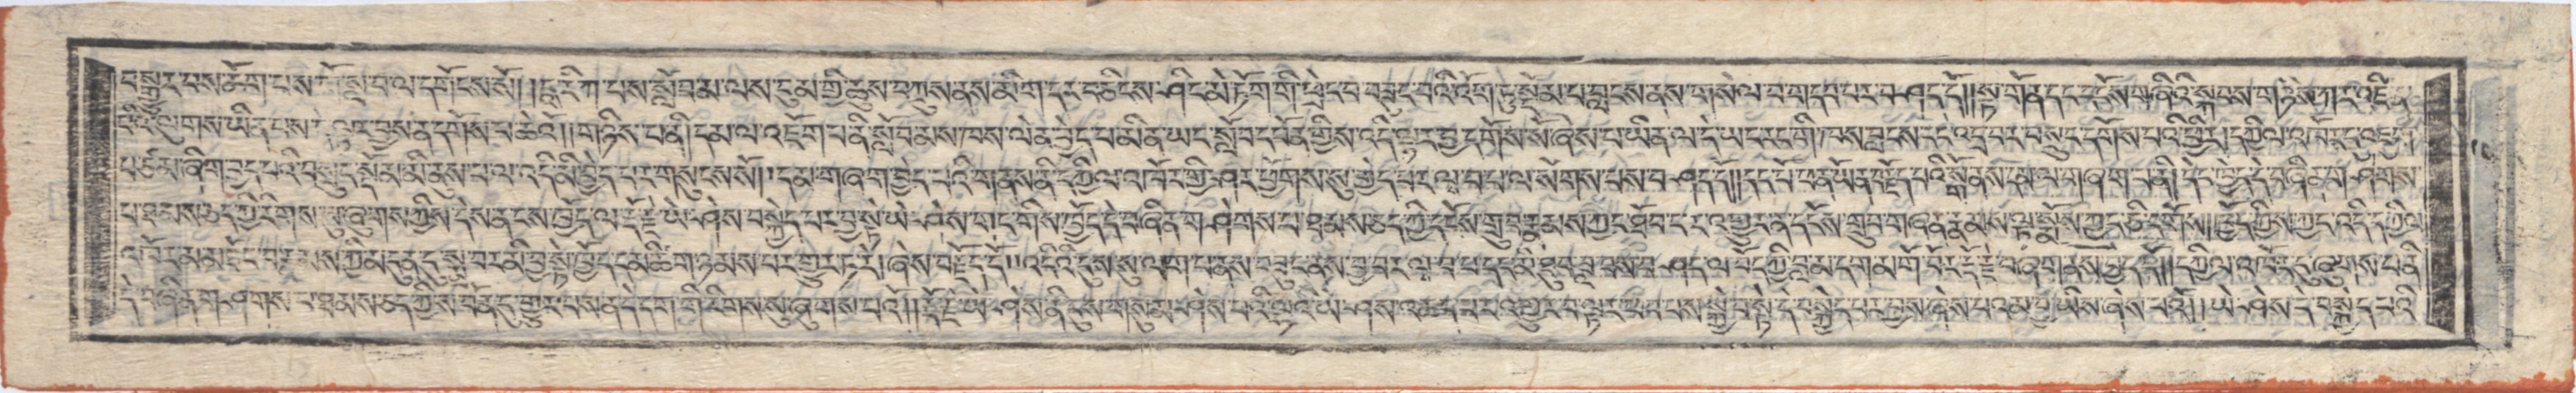བསྒྱུར་པས་ཆོག་པས་གོ་སླ་བ་ལ་དགོངས་སོ། །དཱ་རི་ཀ་པས་སློབ་མ་ལས་ངུམ་གྱི་ཆུས་བཀྲུས་ནས་མིག་དར་བཅིངས་ཤིང་མེ་ཏོག་གི་ཕྲེང་བ་བཟུང་བའི་འོག་ཏུ་སྡོམ་པ་བླངས་ནས་གསོལ་བ་གདབ་པར་བཤད་དོ། །སྟ་གོན་དང་དངོས་གཞིའི་སྐབས་གཉིས་ཀར་འཛིན་
པའི་ལུགས་ཡིན་པས་དེ་ལྟར་བྱས་ན་དགོས་པ་ཆེའོ། །གཉིས་པ་ནི། དམ་ལ་འཇོག་པ་ནི་སློབ་མས་ཁས་ལེན་བྱེད་པ་མིན་ཡང་སློབ་དཔོན་གྱིས་འདི་ལྟར་བྱ་དགོས་སོ་ཞེས་པ་ཡིན་ལ་དེ་ཡང་རང་གི་ཁས་བླངས་དང་འདྲ་བར་བསྲུང་དགོས་པའི་ཕྱིར། དཀྱིལ་འཁོར་དུ་འཇུག་
པ་ཙམ་ཞིག་བྱེད་པའི་བསྲུང་སྡོམ་མི་ནུས་པ་ལ་འདི་མི་བྱེད་པར་གསུངས་སོ། །དམ་གཞག་བྱེད་པའི་གནས་ནི་དཀྱིལ་འཁོར་གྱི་ཤར་ཕྱོགས་སུ་གྱེད་པར་ལྭ་བ་པ་ལ་སོགས་པས་བཤད་དོ། །དང་པོ་ཕན་ཡོན་བརྗོད་པའི་སྒོ་ནས་དམ་ལ་གཞག་པ་ནི། དེང་ཁྱེད་དེ་བཞིན་གཤེགས་
པ་ཐམས་ཅད་ཀྱི་རིགས་སུ་ཞུགས་ཀྱིས་དེས་ན་ངས་ཁྱོད་ལ་རྡོ་རྗེ་ཡེ་ཤེས་བསྐྱེད་པར་བྱ་སྟེ་ཡེ་ཤེས་གང་གིས་ཁྱོད་དེ་བཞིན་གཤེགས་པ་ཐམས་ཅད་ཀྱི་དངོས་གྲུབ་རྣམས་ཀྱང་ཐོབ་པར་འགྱུར་ན་དངོས་གྲུབ་གཞན་རྣམས་ལྟ་སྨོས་ཀྱང་ཅི་དགོས། ཁྱོད་ཀྱིས་ཀྱང་འདི་དཀྱིལ་
འཁོར་མ་མཐོང་བ་རྣམས་ཀྱི་མདུན་དུ་སྨྲ་བར་མི་བྱ་སྟེ་ཁྱོད་དམ་ཚིག་ཉམས་པར་གྱུར་ཏ་རེ། ཞེས་བརྗོད་དོ། །འདིའི་དུས་སུ་ལག་པ་ནས་བཟུང་ནས་བྱ་བར་ལྭ་བ་པ་དང་མི་ཐུབ་ཟླ་བས་བཤད་ལ་བོད་ཀྱི་བླ་མ་དག་མགོ་བོར་རྡོ་རྗེ་བཞག་ནས་བྱེད་དོ། །དཀྱིལ་འཁོར་དུ་ཞུགས་པ་ནི་
དེ་བཞིན་གཤགས་པ་ཐམས་ཅད་ཀྱི་ས་བོན་དུ་གྱུར་པས་ན་དེ་དག་གི་རིགས་སུ་ཞུགས་པའོ། །རྡོ་རྗེ་ཡེ་ཤེས་ནི་དུས་གསུམ་ཤེས་པའི་ལྷའི་ཡེ་ཤེས་འཆད་པར་འགྱུར་བ་ལྟར་ཕབ་པས་སྐྱེ་བ་སྟེ་དེ་བསྐྱེད་པར་བྱས་ཞེས་པའམ་བྱ་ཡིས་ཞེས་པའོ། །ཡེ་ཤེས་དེ་བསྐྱེད་པའི་